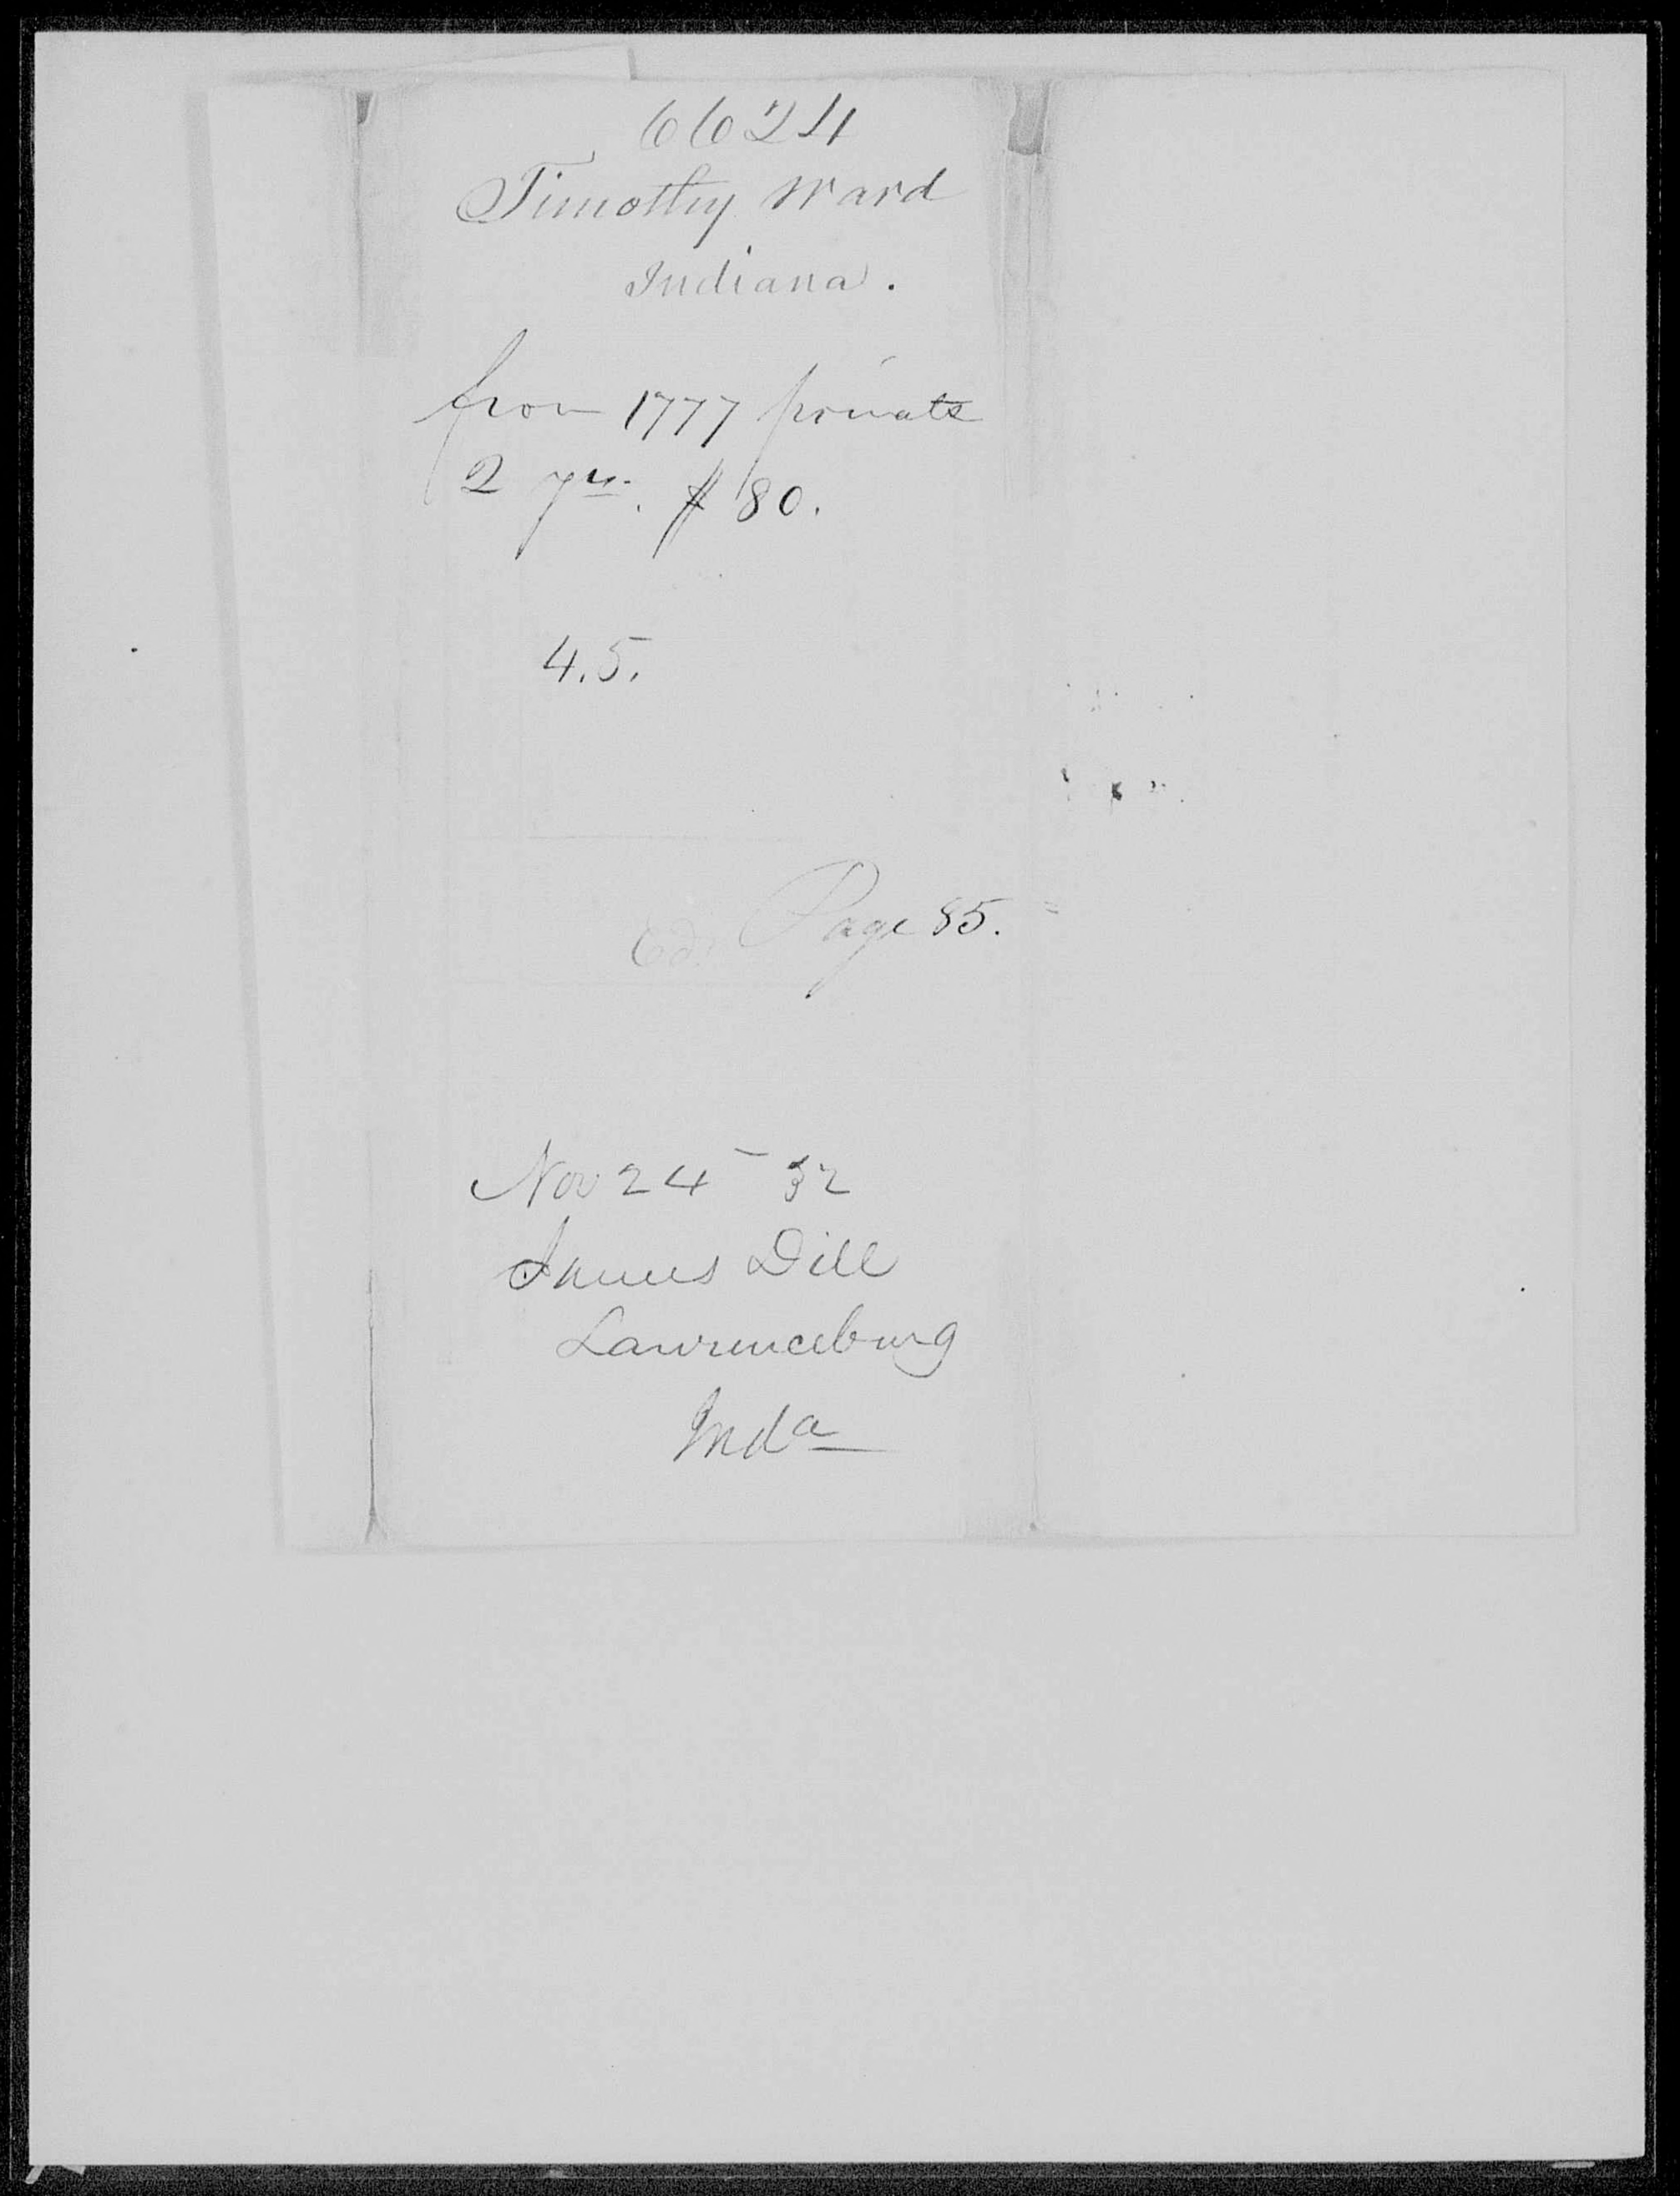6624
Timothy Ward
Indiana.

from 1777 private
2 yrs.  $80.

4.5.

CJ:  Page 85.

Nov 24.  --32
James Dill
Lawrenceburg
Inda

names: Timothy Ward, James Dill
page: 3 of 24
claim: survivor's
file: S. 17751, Timothy Ward, New Jersey